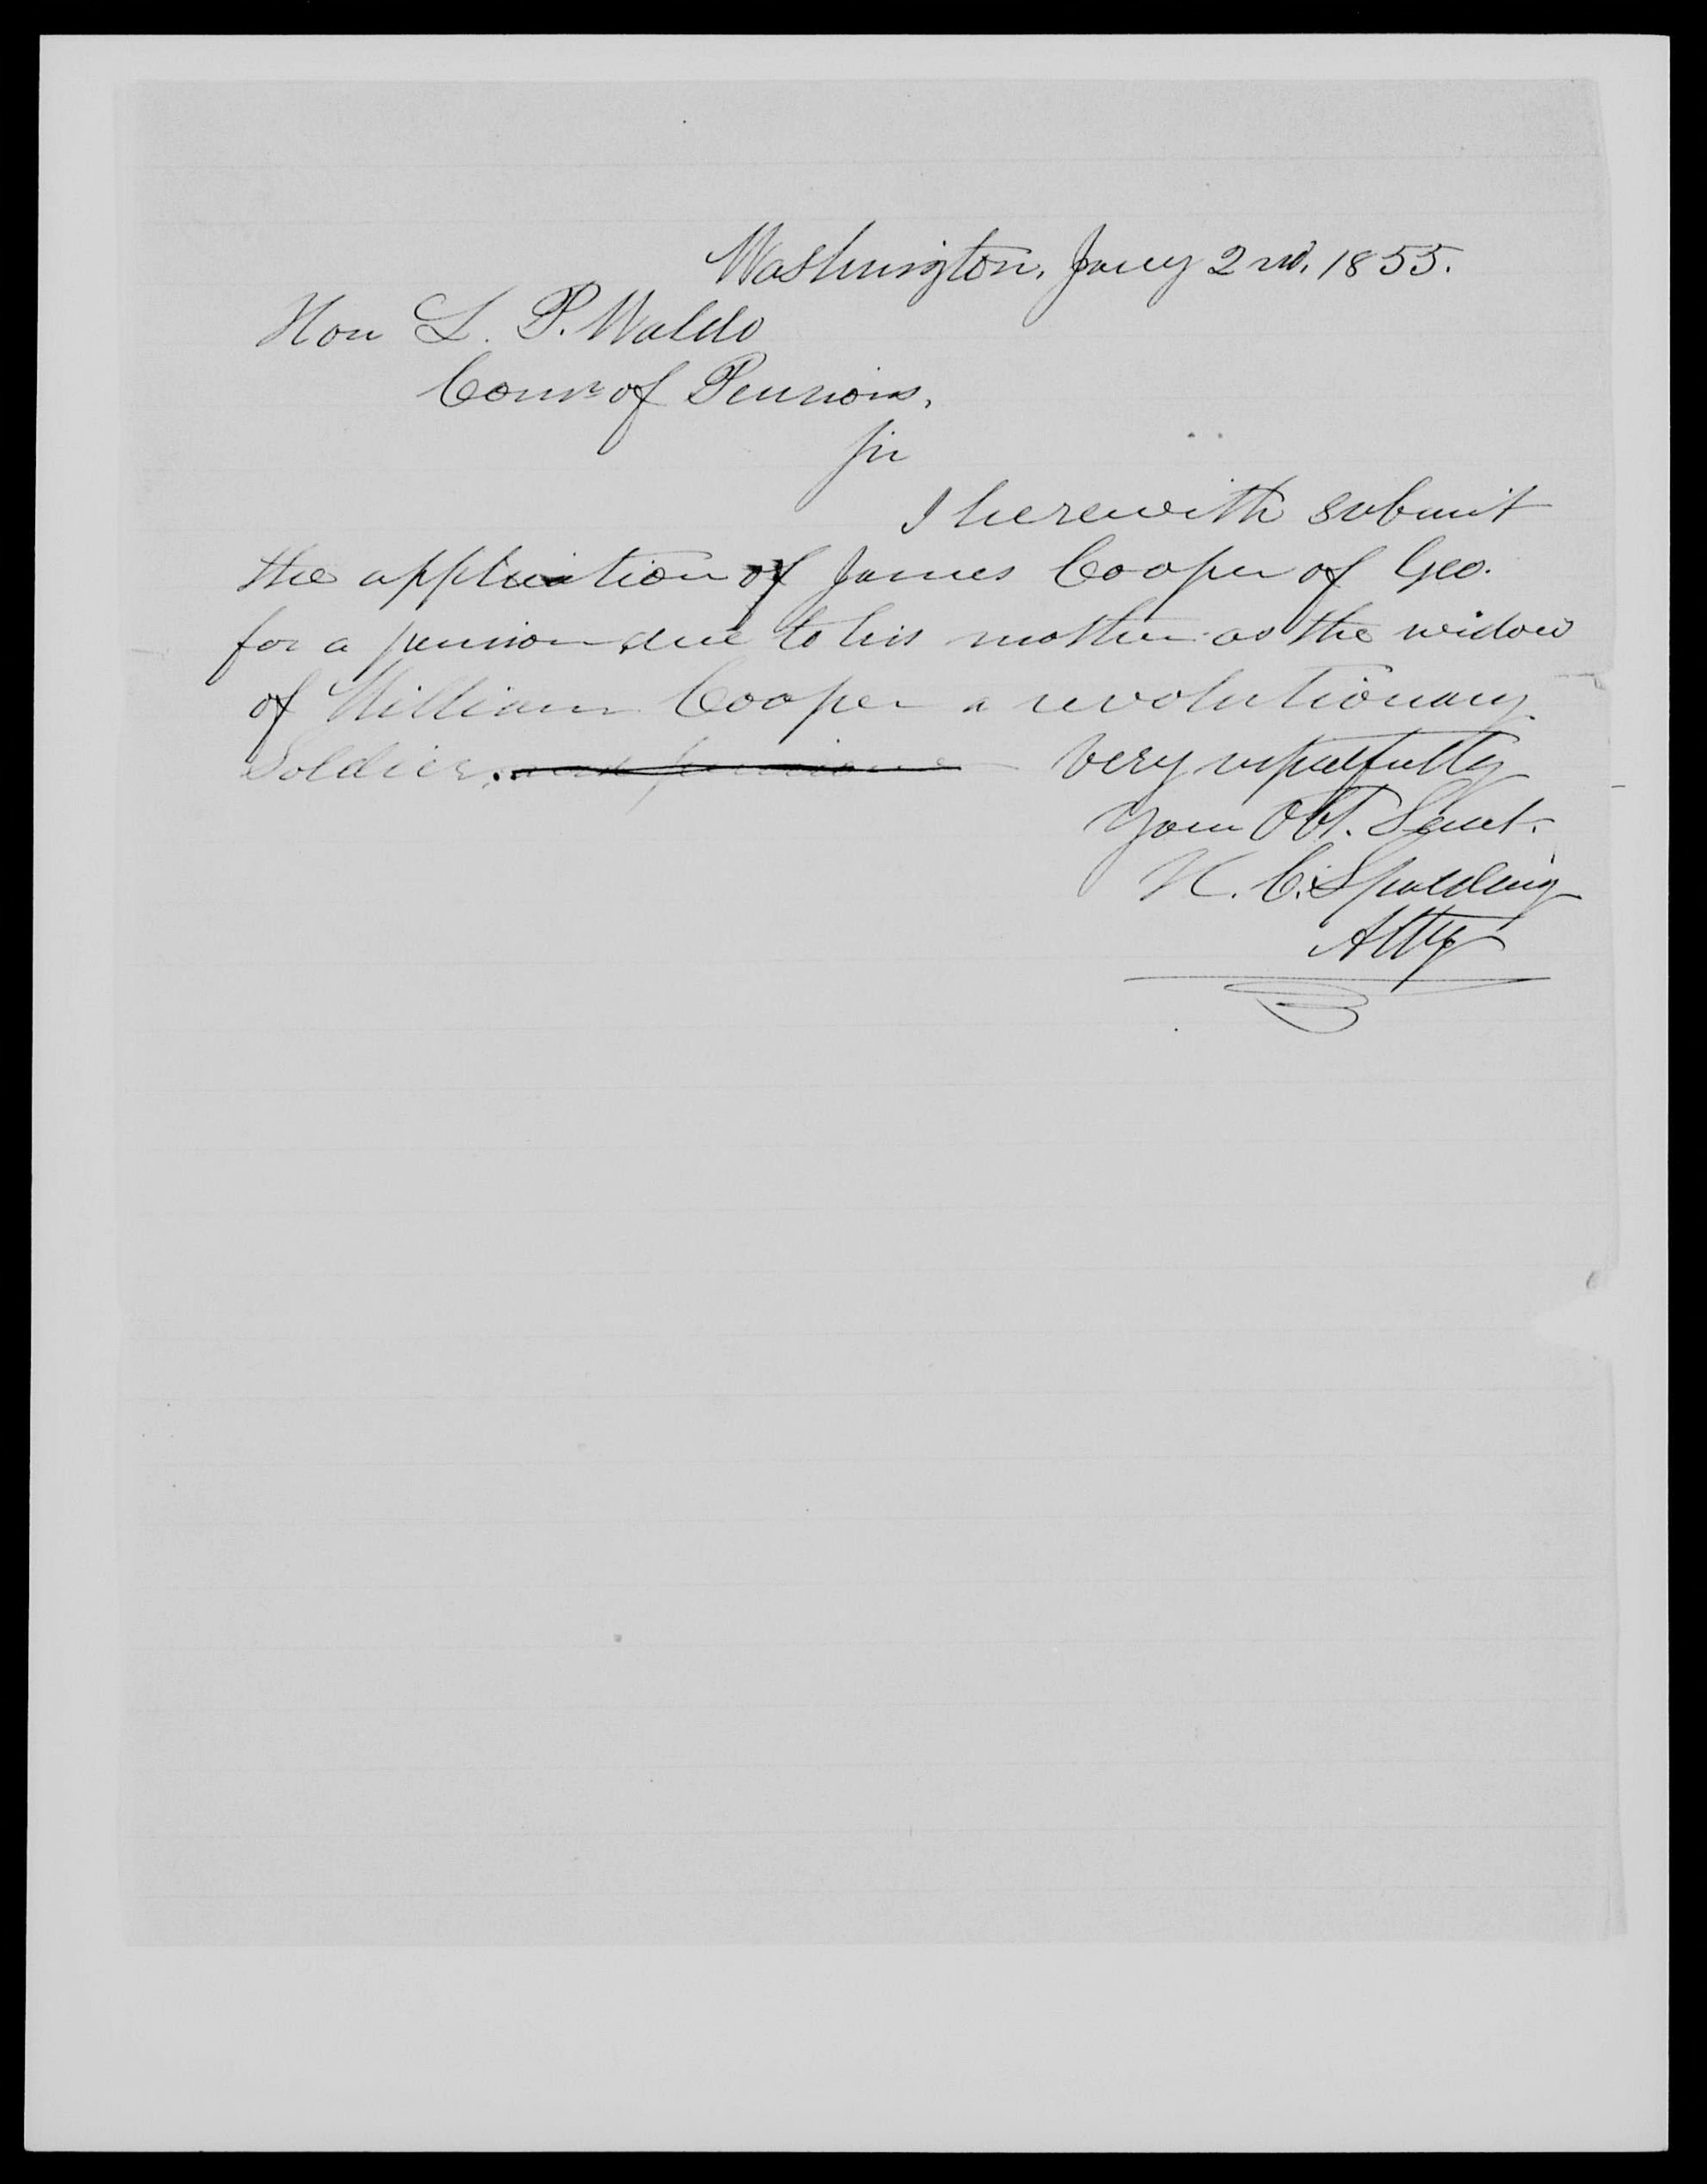Washington Jany 2nd, 1855.
Hon. L. P. Waldo
Comr of Pensions,
Sir
I herewith submit the application of James Cooper of Geo. for a pension due to his mother as the widow of William Cooper a revolutionary
Soldier. 

Very respectfully
Your Obt. Servant
N. G. Spalding
Atty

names: H C Spalding, James Cooper, William Cooper, L P Waldo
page: 15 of 17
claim: rejected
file: R. 2,300, John Cooper, Va.